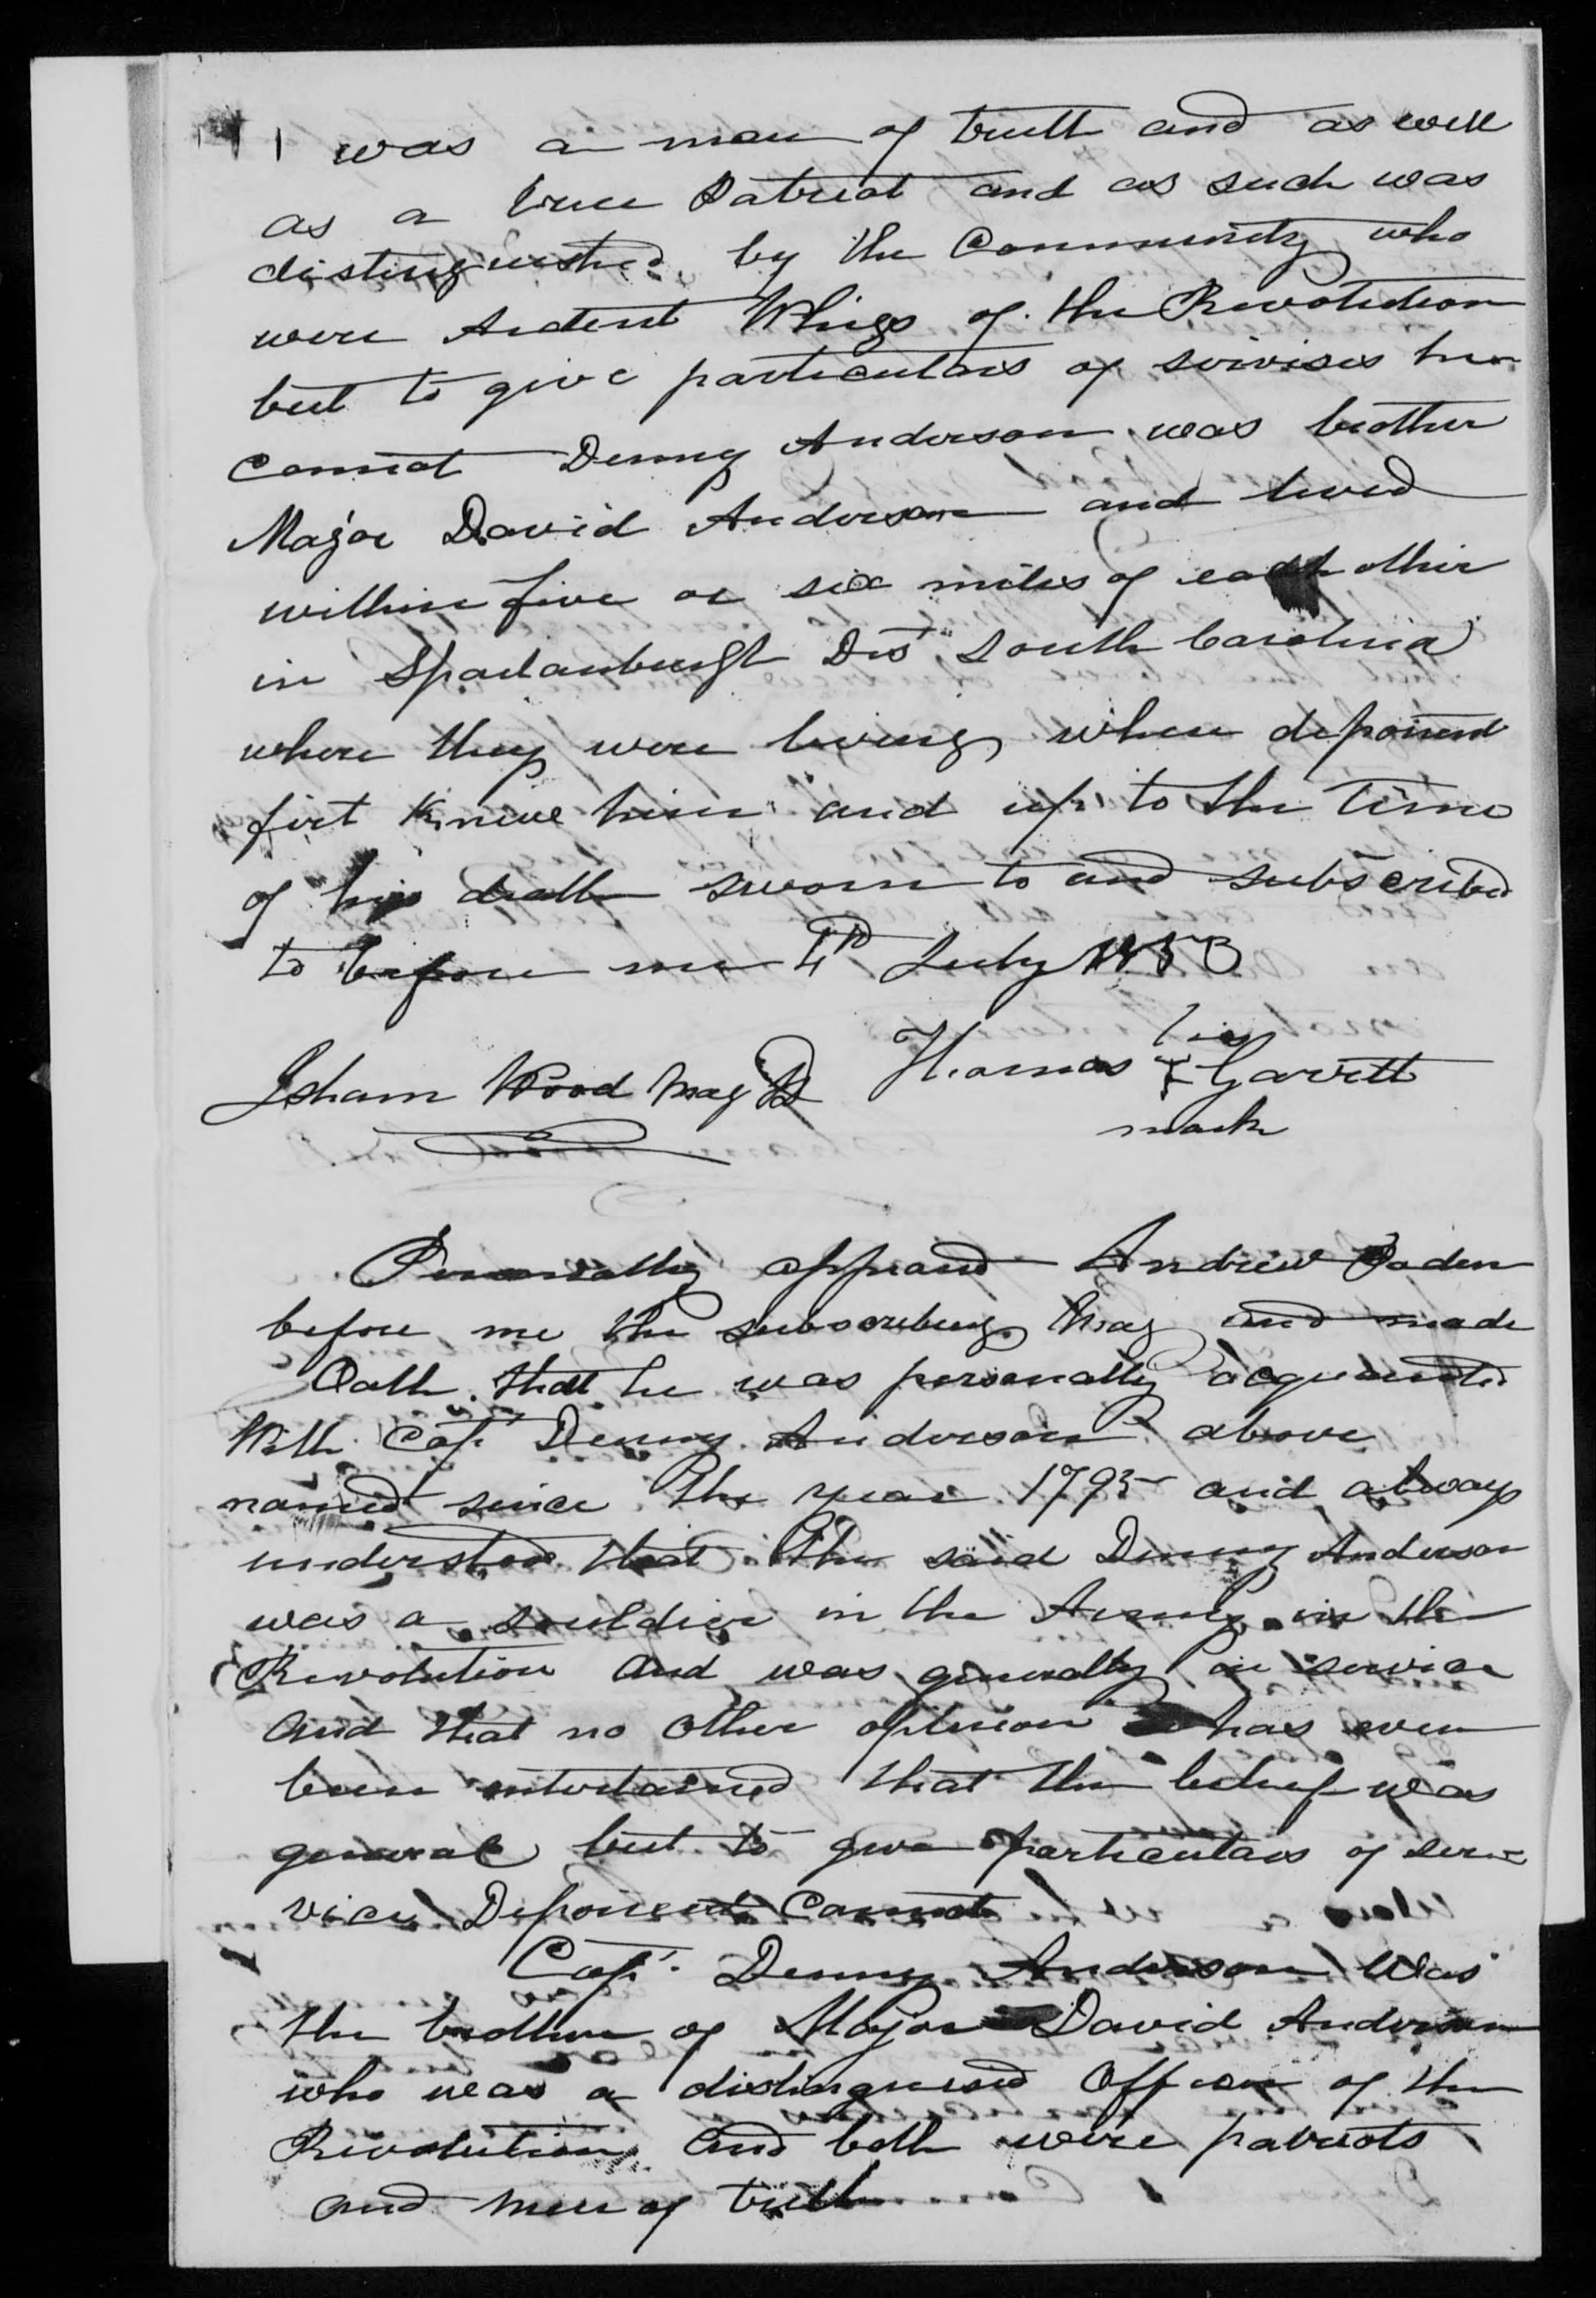was a man of truth and as well as a true patriot and as such was distinguished by the community who were ardent Whigs of the Revolution but to give particulars of servises he cannot. Denny Anderson was brother Major David Anderson and lived within five or six miles of each other in Spartanburgh Dist. South Carolina where they were living when deponent first knew him and up to the time of his death sworn to and subscribed to before me 4th July 1853.
Isham Wood Mag SD
Thomas Garrett his mark X

Personally appeared Andrew Paden before me the subscribing Mag and made Oath that he was personally acquainted Cat. Denny Anderson above named since the year 1795 and always understood that the said Denny Anderson was a soldier in the Army in this Revolution and was generally in service and that no other [illegible] has ever been entertained that the belief was general but to give particulars of service Deponent cannot
Capt. Denny Anderson was the brother of Major David Anderson who was a distinguised officer of the Revolution and both were patriots and were of truth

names: Denny Anderson, David Anderson, Thomas Garrtt, David Anderson, Andrew Paden, Isham Wood, Denny Anderson, Denny Anderson, Denny Anderson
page: 8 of 51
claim: widow's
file: W. 9700, Denney Anderson, S.C.